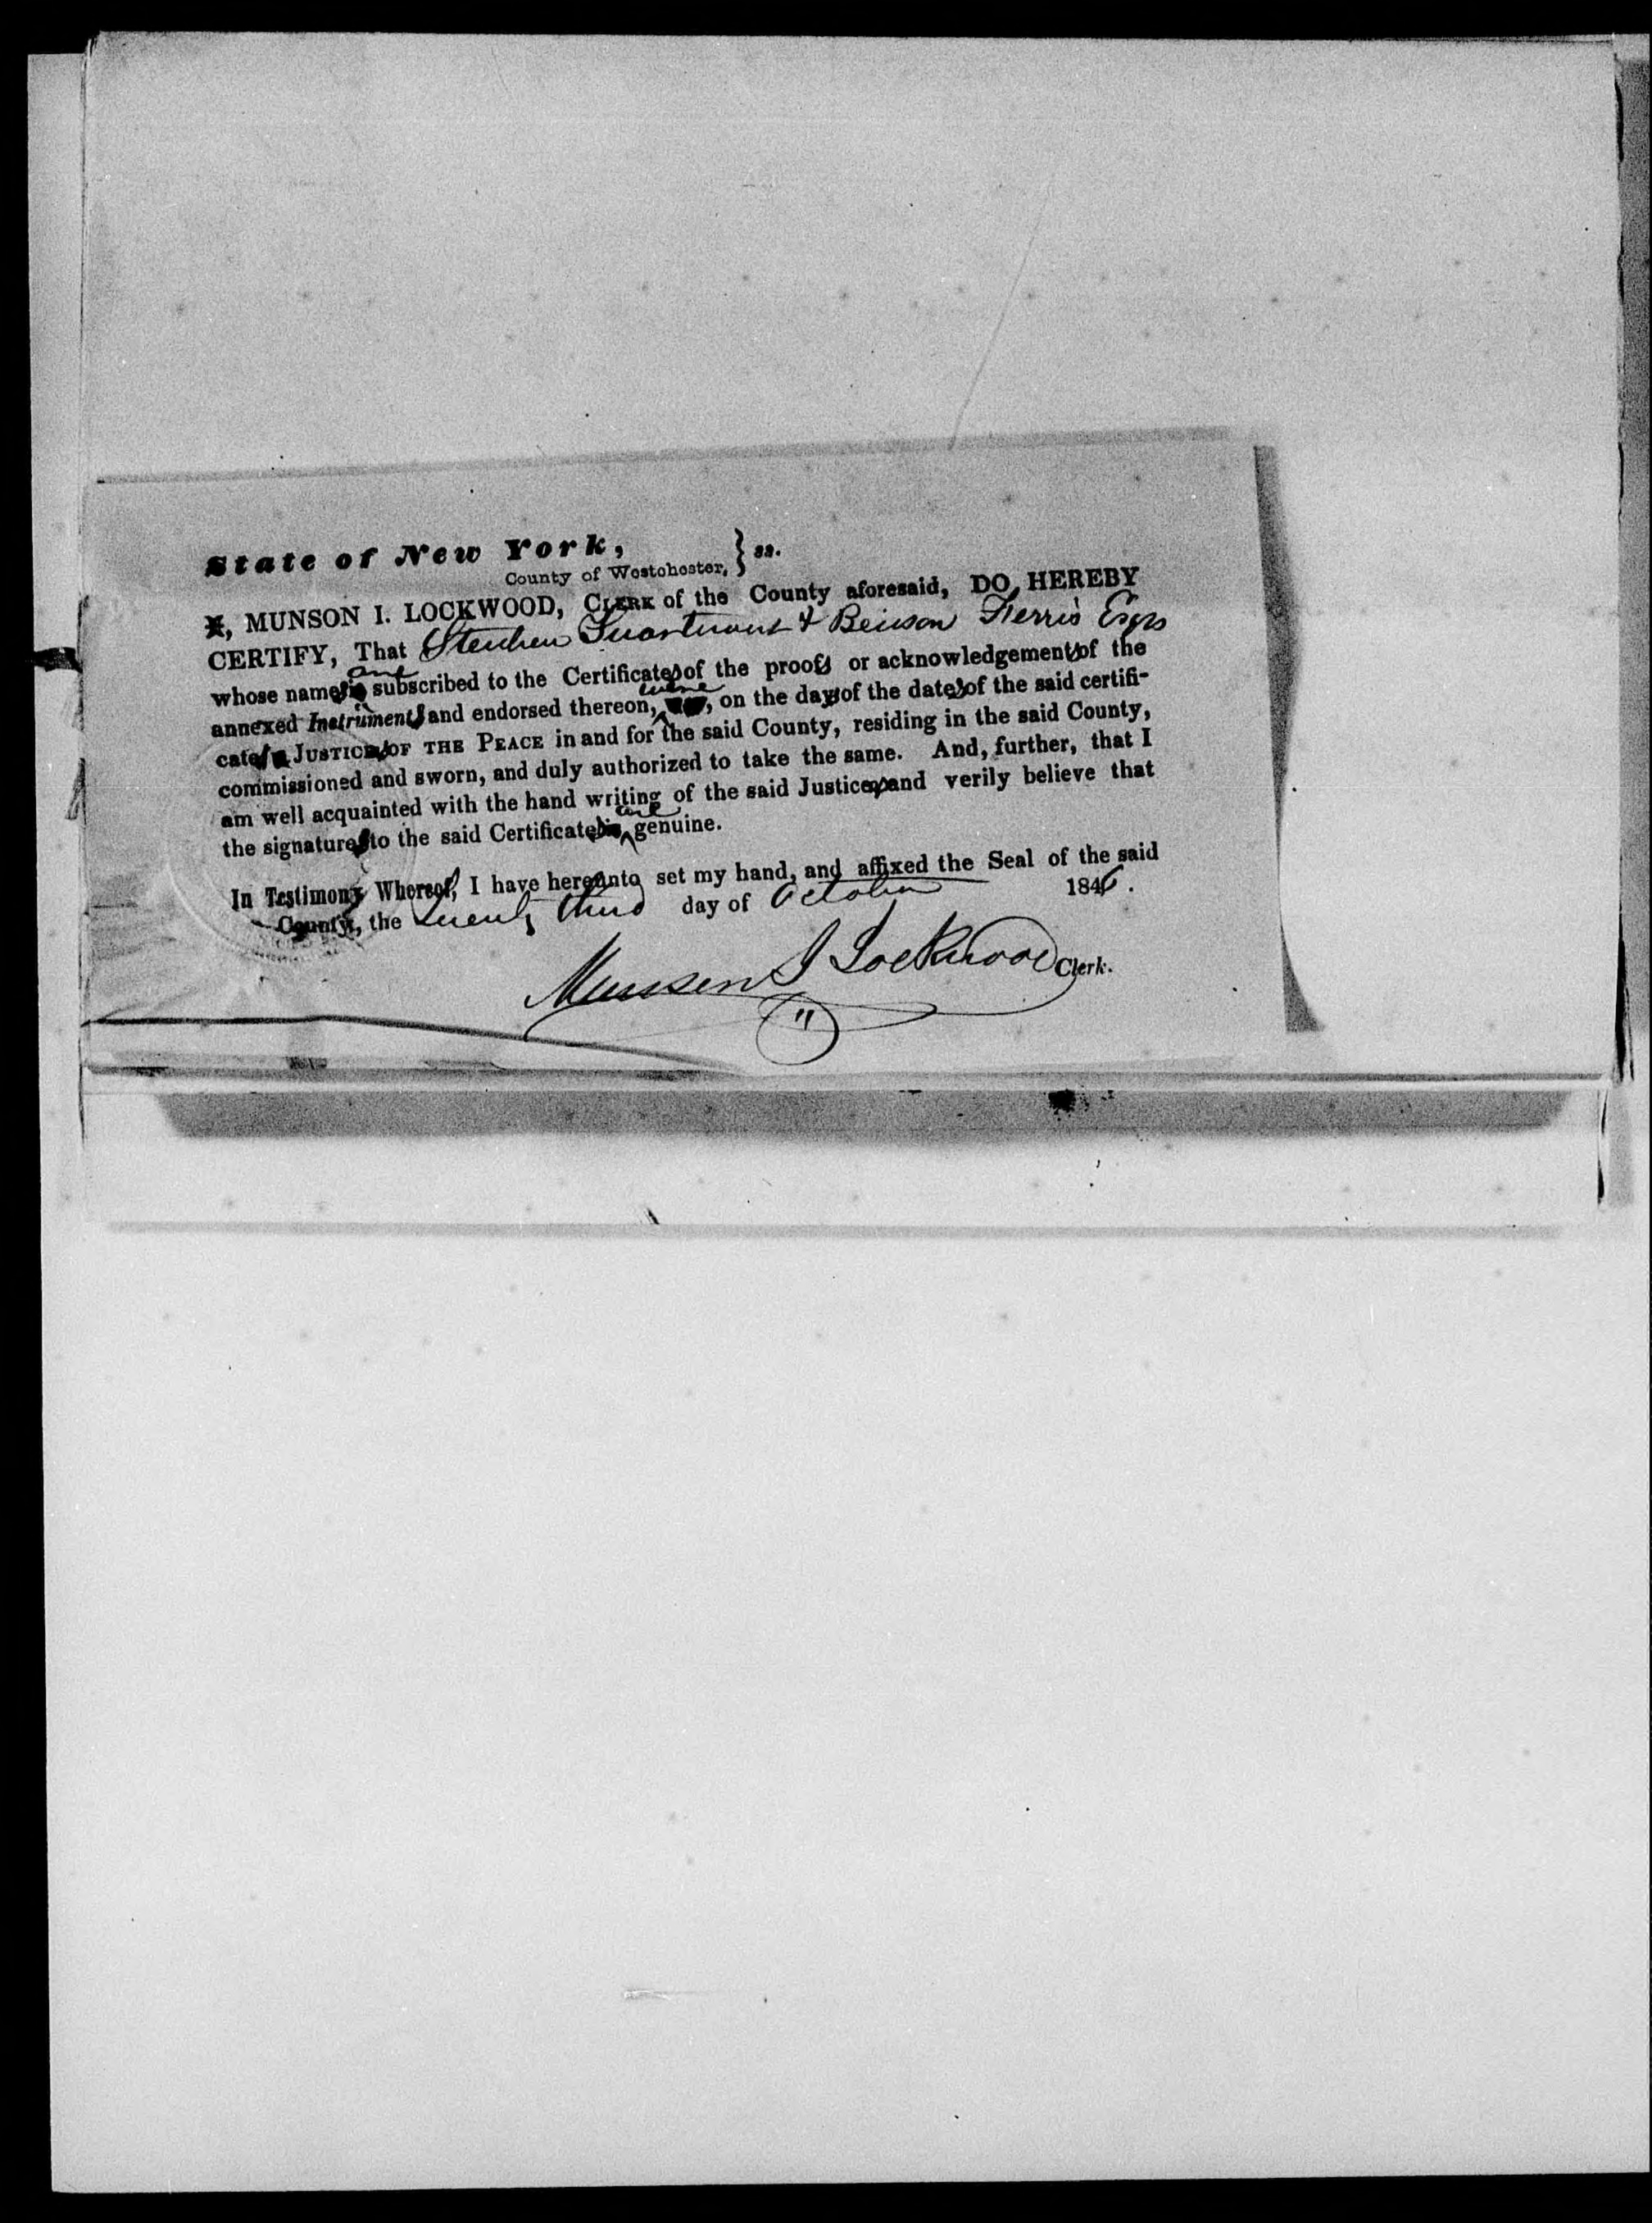[printed form on a smaller piece of paper attached to the center of this page]
State of New York, County of Westchester, } ss.
I, MUNSON I. LOCKWOOD, CLERK of the County aforesaid, DO HEREBY CERTIFY, That Steuben Quartworst & Benson Ferris Esqrs whose names [is -- crossed out] [are -- inserted] subscribed to the Certificates of the proofs or acknowledgements of the annexed Instruments [word in italics] and endorsed thereon, [was -- crossed out] [were -- inserted] on the days of the dates of said certificates [a -- crossed out] Justices of the Peace in and for the said County, residing in the said County, commissioned and sworn, and duly authorized to take the same. And, further, that I am well acquainted with the hand writing of the said Justices and verily believe that the signatures to the said Certificates [is -- crossed out] [are -- inserted] genuine.
In Witness Whereof, I have hereunto set my hand, and affixed the Seal of the said County, the second, third day of October 1846. 
Munson I Lockwood [signature] Clerk.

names: Steuben Fuastervert; Benson Ferris; Munson I Lockwood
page: 8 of 19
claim: widow's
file: W. 24363, for Abraham Odell, New York